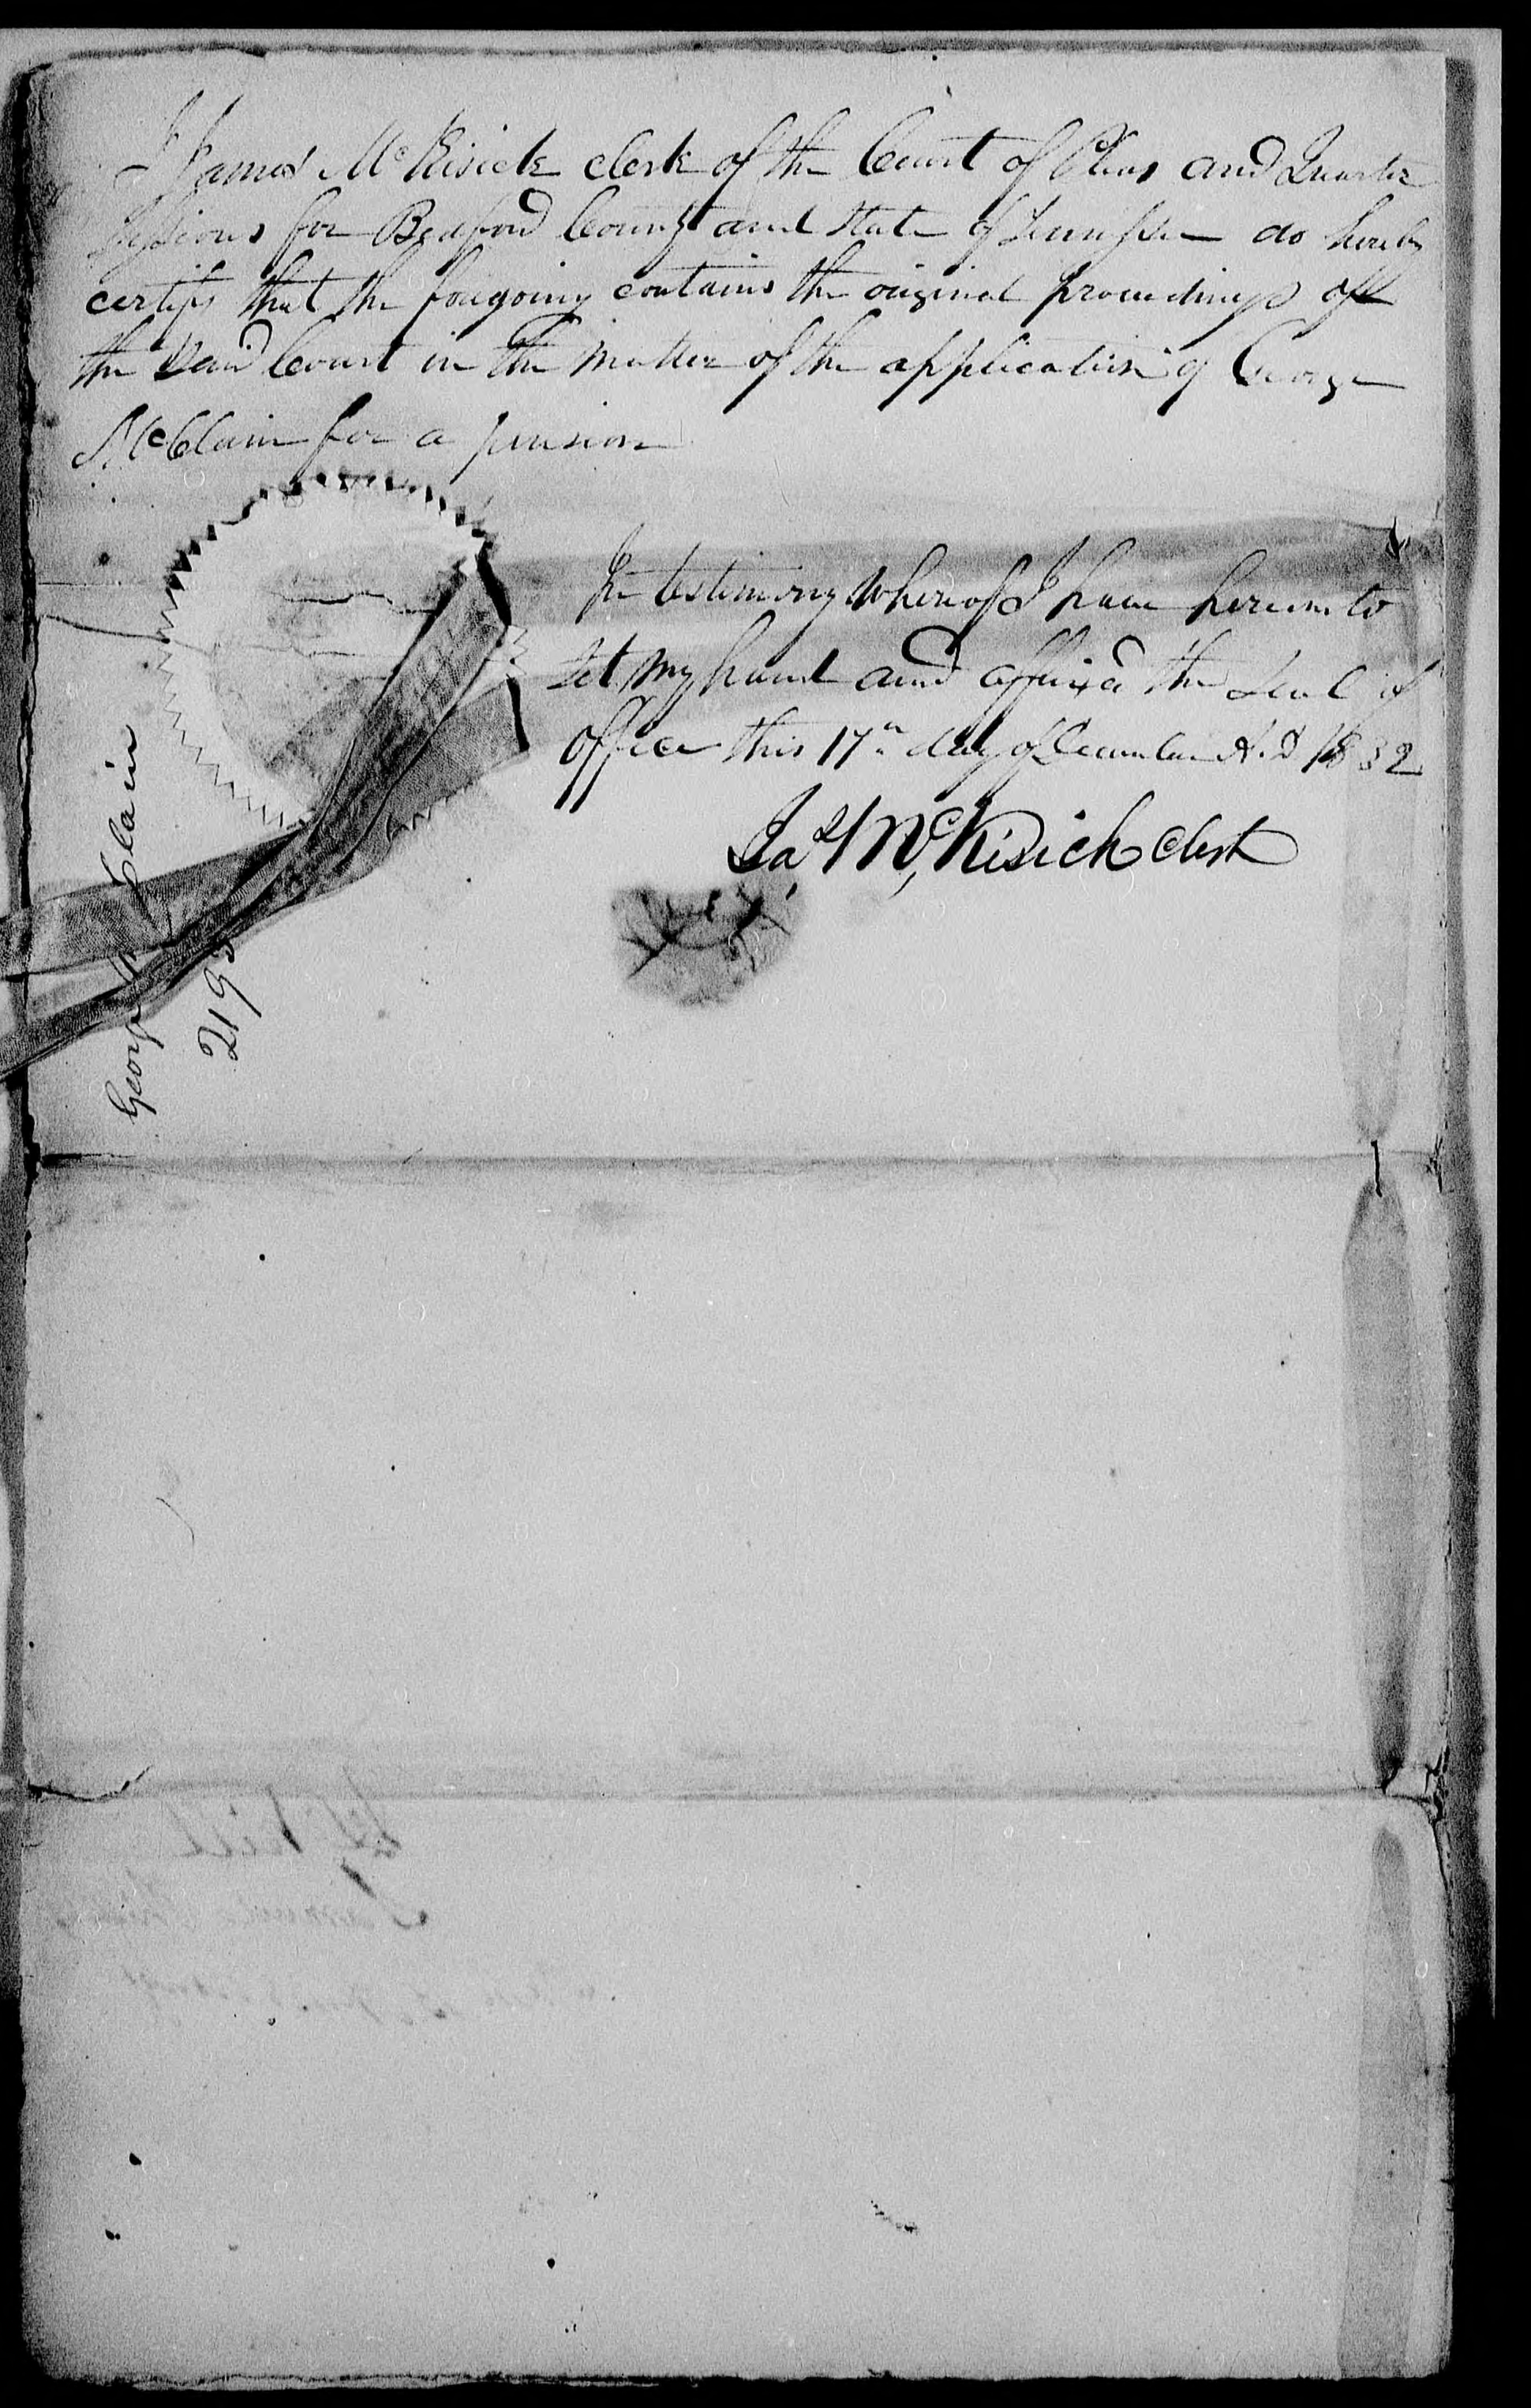I James McKisick Clerk of the Court of Pleas and Quarter Sessions for Bedford County and State of Tennessee - do hereby certify that the foregoing contains the original proceedings of the said Court in the matter of the application of George McClain [Sic] for a pension 

In testimony whereof I have hereunto set my hand and affixed the Seal of office this 17th day of December AD 1832 
Jas McKisick Clerk

[written sideways] George McClain 21935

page: 17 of 67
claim: widow's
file: W. 21793, for George Mc Lain, North Carolina